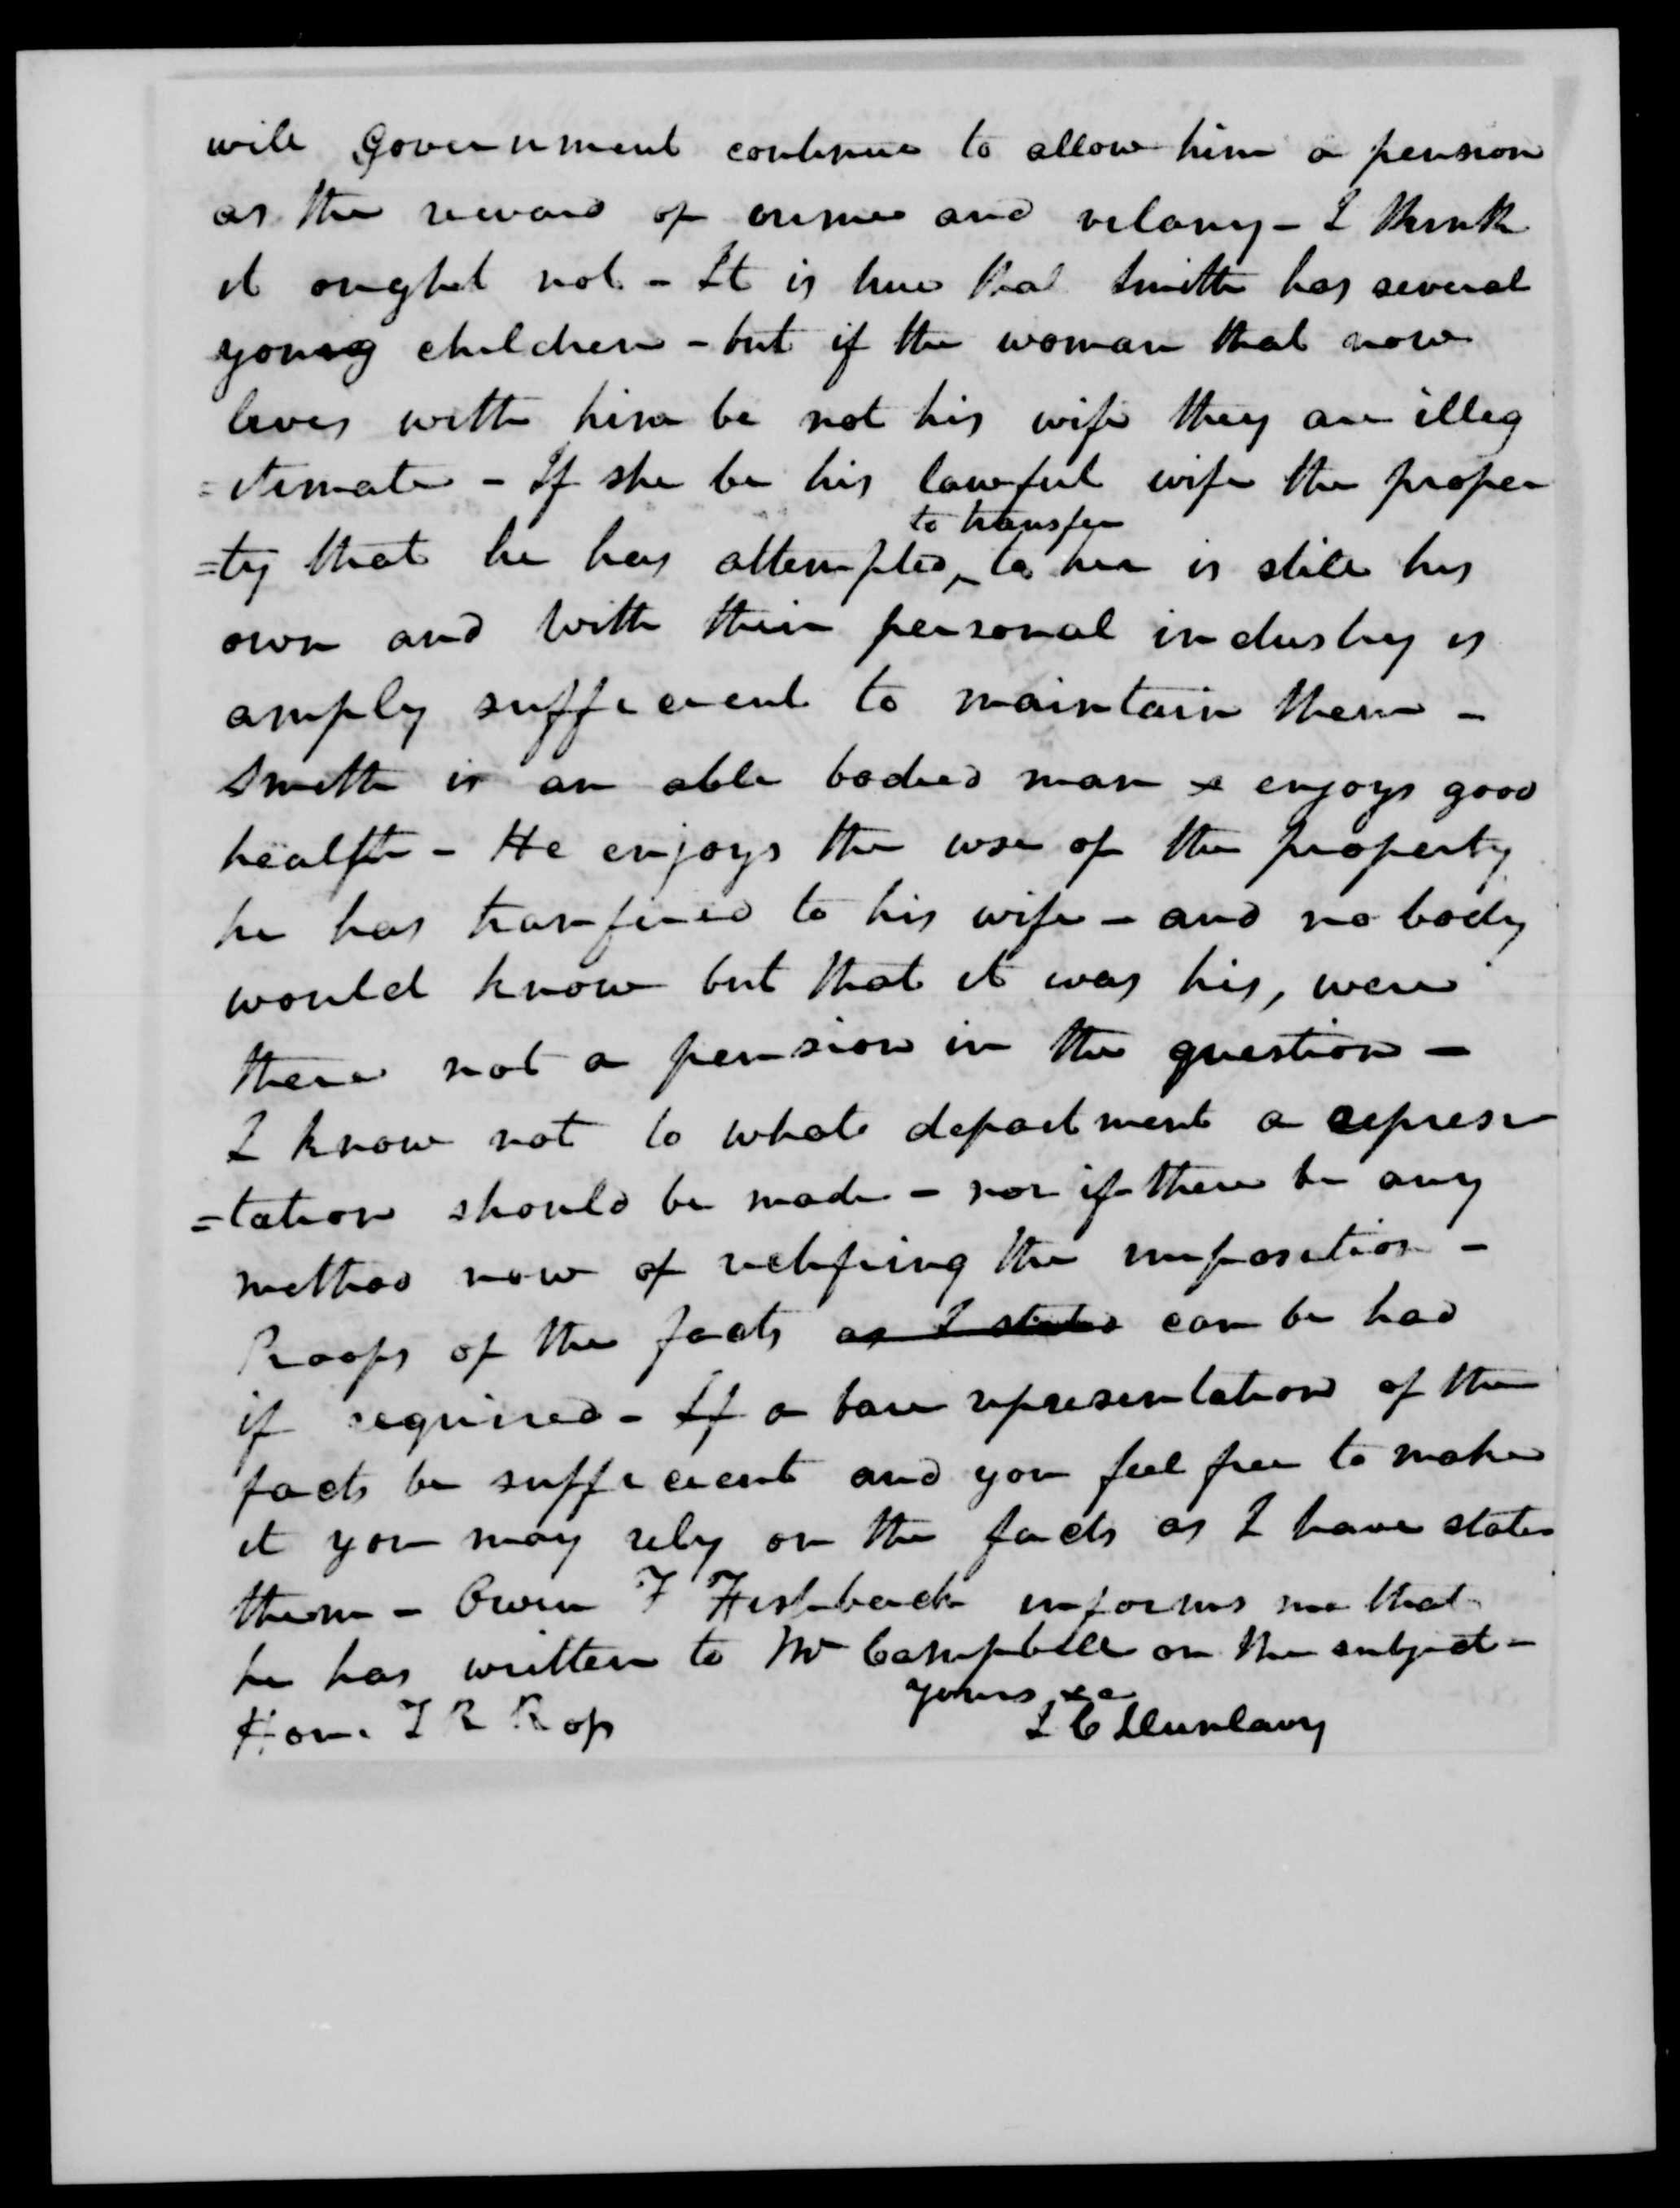wile [while] Government continues to allow him a pension as the reward of crime and vilany [villainy]  - I think it ought not - It is true that Smith has several young children - but if the woman that now lives with him be not his wife they are illegitimate - If she be his lawful wife the property that he has attempted to transfer to her is still his own and with their personal industry is amply sufficient to maintain them - Smith is an able bodied man & enjoys good health - He enjoys the use of the property he has transfered to his wife - and nobody would know but that it was his, were there not a pension in the question- I know not to what department a representation should be made - nor if there be any method now of accessing [??] the information - Proofs of the facts ["as I stated" is crossed out] can be had if required - If a bare representation of these facts be sufficient and you feel free to make it you may rely on the facts as I have stated them - Owen F. Fishback informs me that he has written to Mr Campbell on the subject - Yours &c [signature:] J C Dunlavy 
Hon. T R Toss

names: Owen F Fishback; [BLANK] Campbell; [BLANK] Smith; [BLANK] Smith; J C Dunlavy; T R Ross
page: 30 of 66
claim: survivor's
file: S 40458, for Obadiah Smith, New York